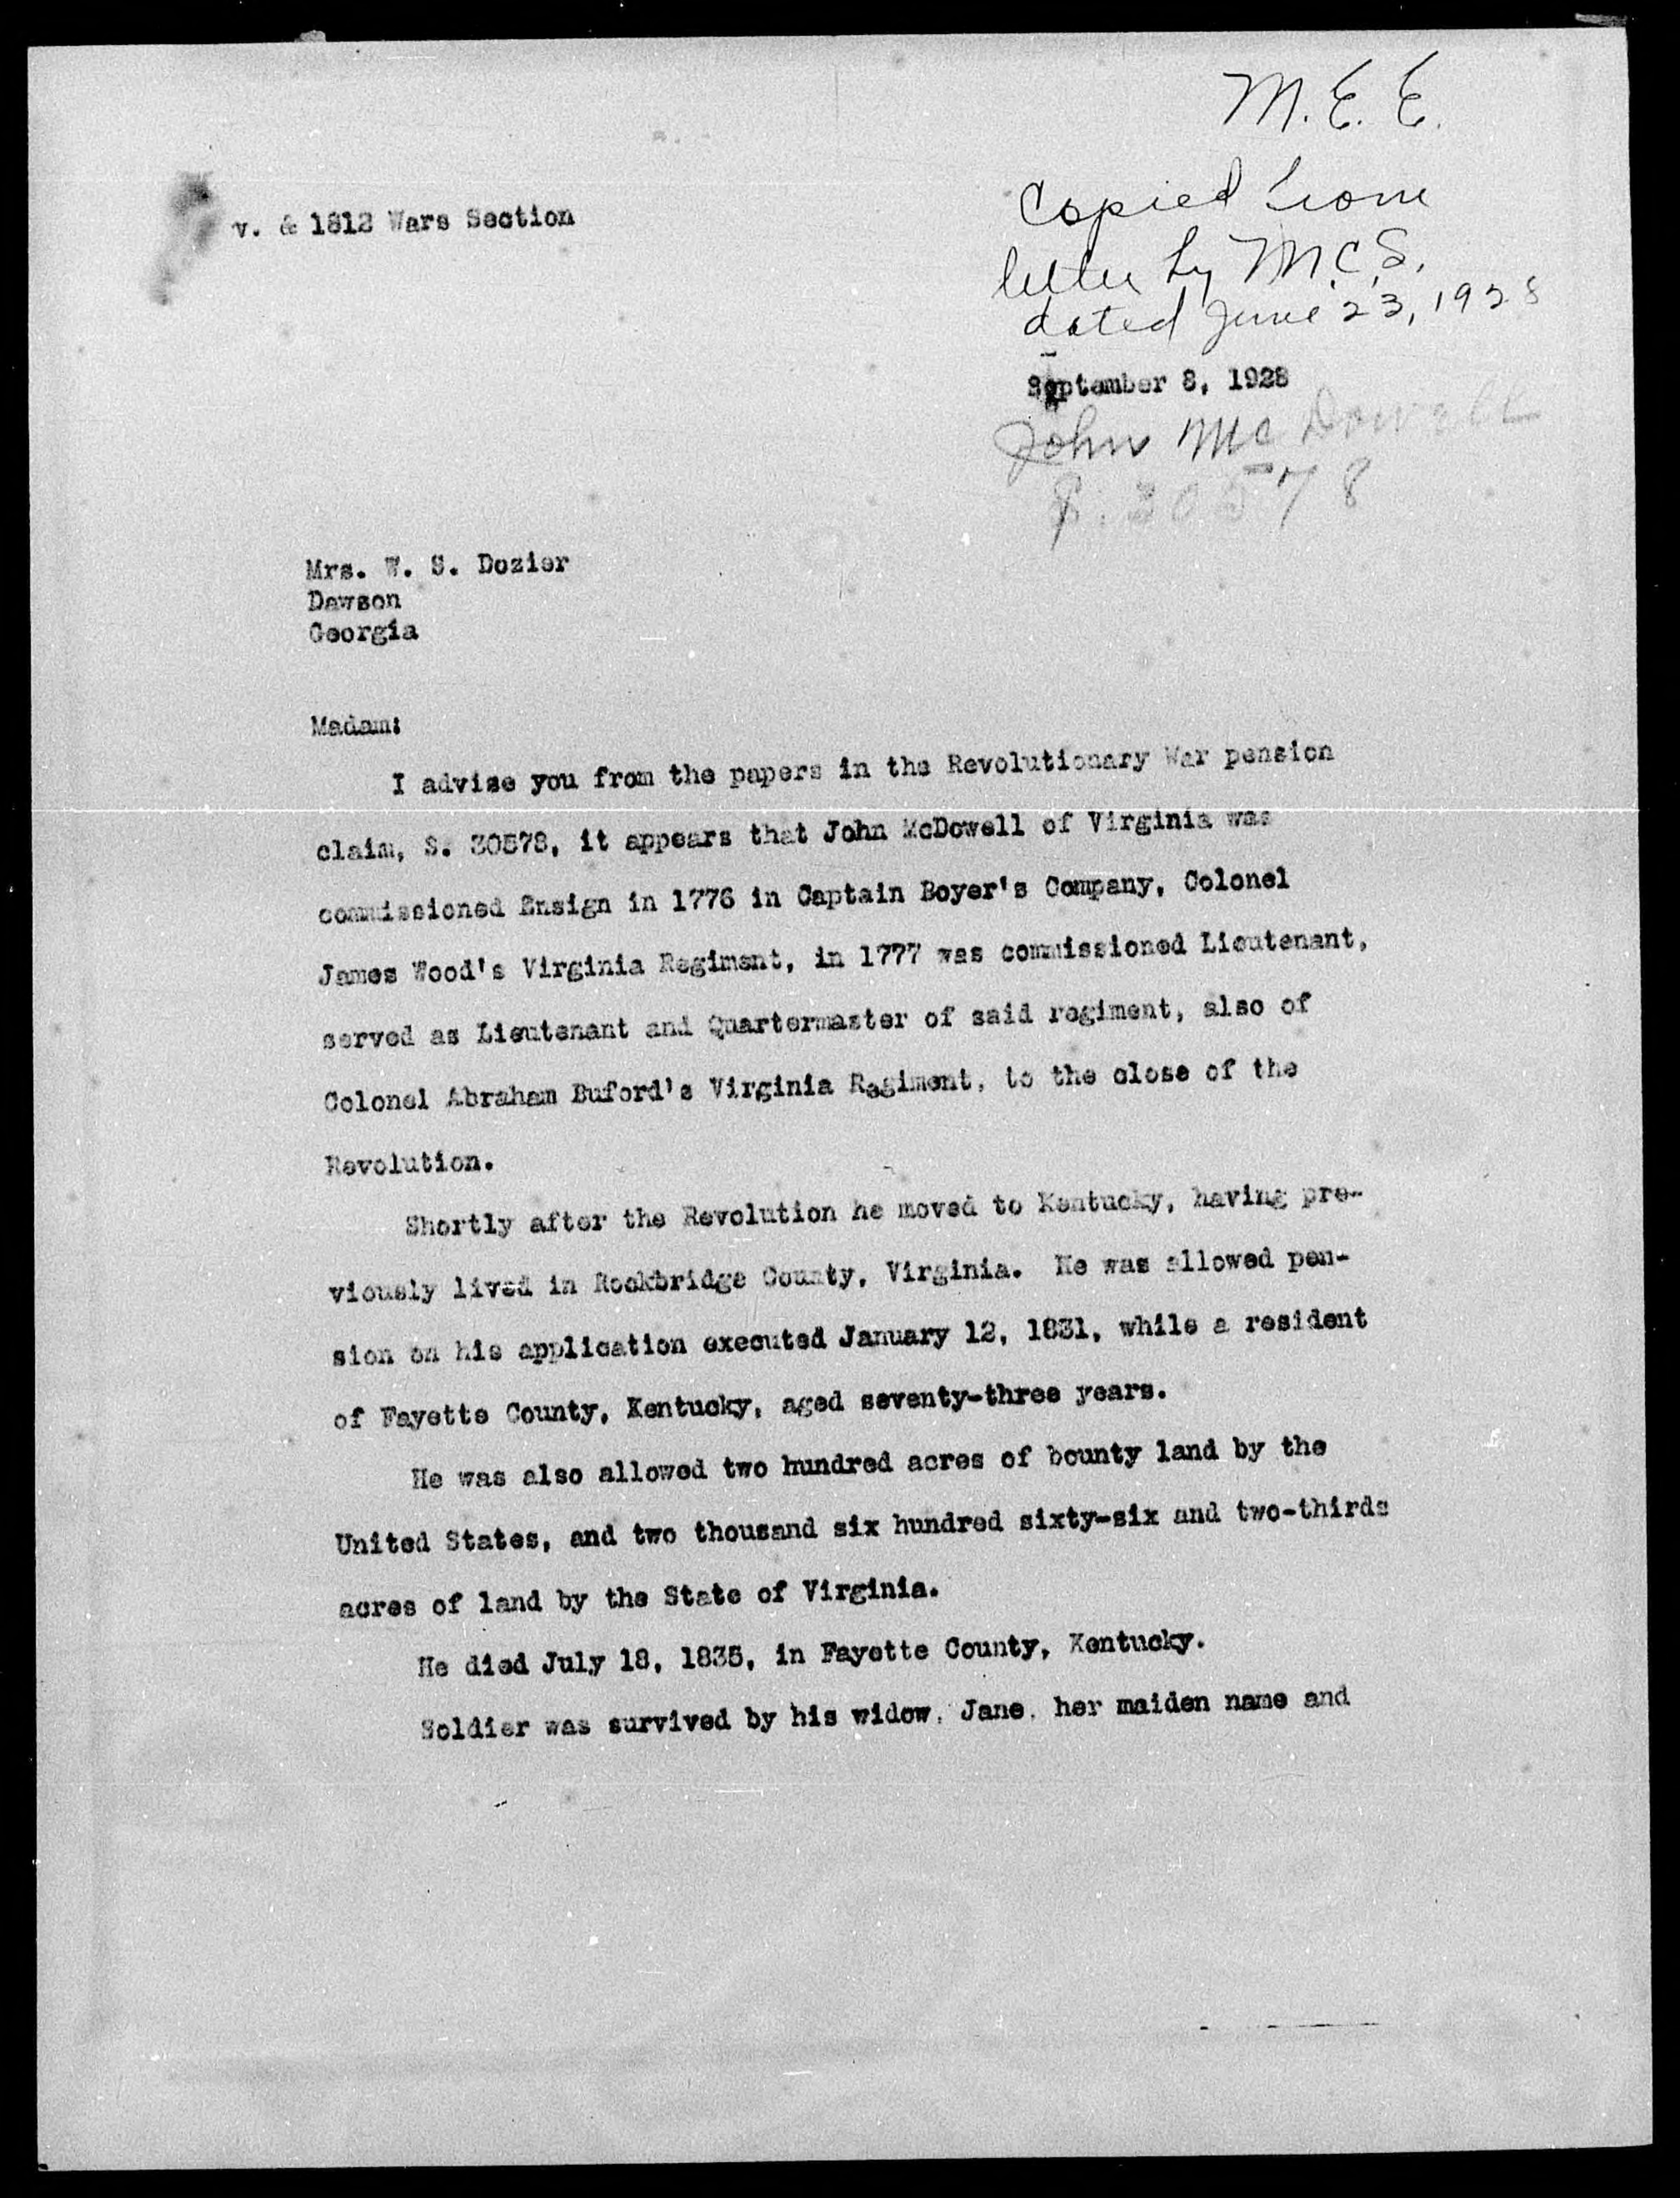[clerk note: M.E.E. Copied from letter by M.C.S. dated June 23, 1928]
rev. & 1812 Wars Section
September 8, 1928
John McDowell
S. 30578

Mrs. W. S. Dozier
Dawson
Georgia

Madam:
I advise you from the papers in the Revolutionary War pension claim, S. 30578, it appears that John McDowell of Virginia was commissioned Ensign in 1775 in Captain Boyer's Company, Colonel James Wood's Virginia Regiment, in 1777 was commissioned Lieutenant, served as Lieutenant and Quartermaster of said regiment, also of Colonel Abraham Buford's Virginia Regiment, to the close of the Revolution.
Shortly after the Revolution he moved to Kentucky, having previously lived in Rockbridge County, Virginia. He was allowed pension on his application executed January 12, 1831, while a resident of Fayette County, Kentucky, aged seventy-three years.
He was also allowed two hundred acres of bounty land by the United States, and two thousand six hundred sixty-six and two-thirds acres of land by the State of Virginia.
He died July 18, 1835, in Fayette County, Kentucky.
Soldier was survived by his widow, Jane, her maiden name and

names: John Mc Dowell; W S Dozier; Jane [BLANK]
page: 12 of 47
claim: survivor's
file: S. 30578, for John Mc Dowell, Virginia